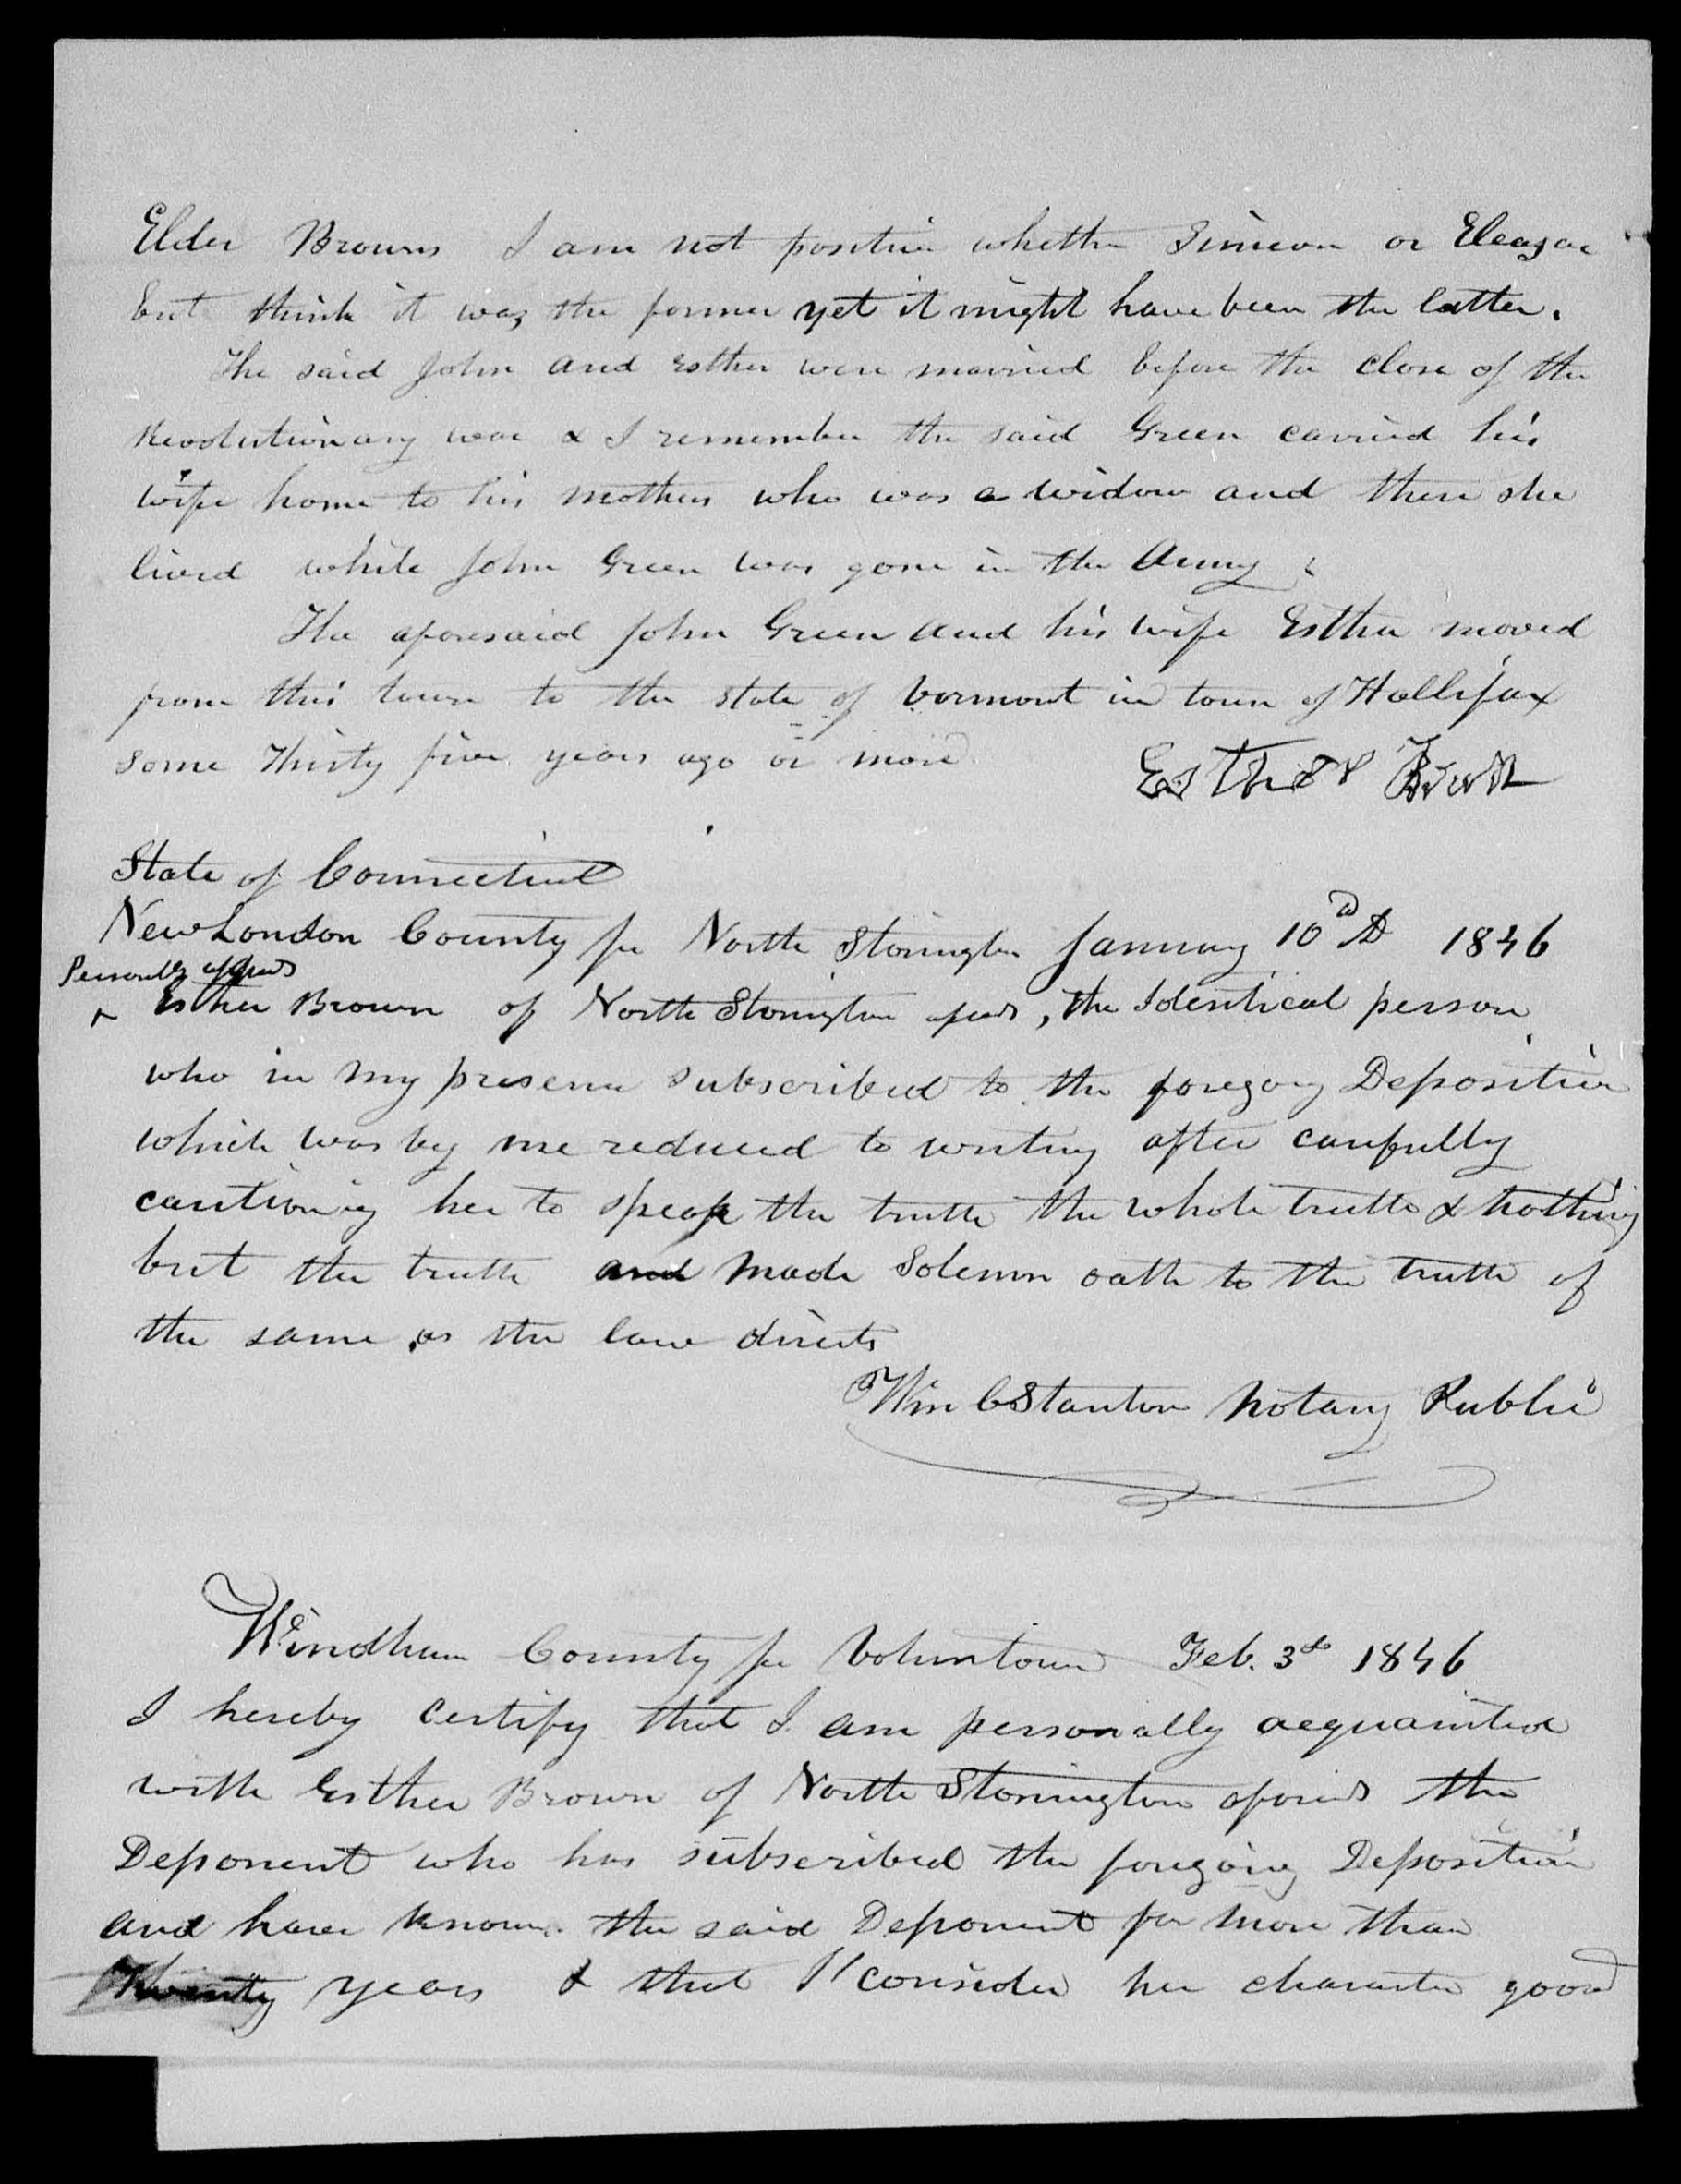Elder Brown, I am not positive whether --- or Eleazar but think it was the former yet it might have been the latter. The[y] said John and Esther were married before the close of the Revolutionary war & I remember the said Green carried his wife home to his mother who was a widow and there she lived while John Green was gone in the Army.
The aforesaid John Green and his wife Esther moved from this time to the State of Vermont in the town of Hallifax [sic] some thirty five years ago or more. Esther P Brown
State of Connecticut
New London County for North Stonington January 10th D 1846
Personally appeared; Esther Brown of North Stonington for the identical person who in my presence subscribed to the foregoing deposition which was by me reduced to writing after carefully canting her to speak the truth, the whole truth, & nothing but the truth and made Solemn oath to the truth of the same as the law directs. Wm B. Stanten Notary Public.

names: John Green, Esther Brown, Esther, Eleazer, John Green, John, Esther Brown, Simeon, Esther Brown, Wm C Stanton, Green, Elder Browns, Esther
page: 27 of 40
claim: rejected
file: R. 4251, John Green, Conn.